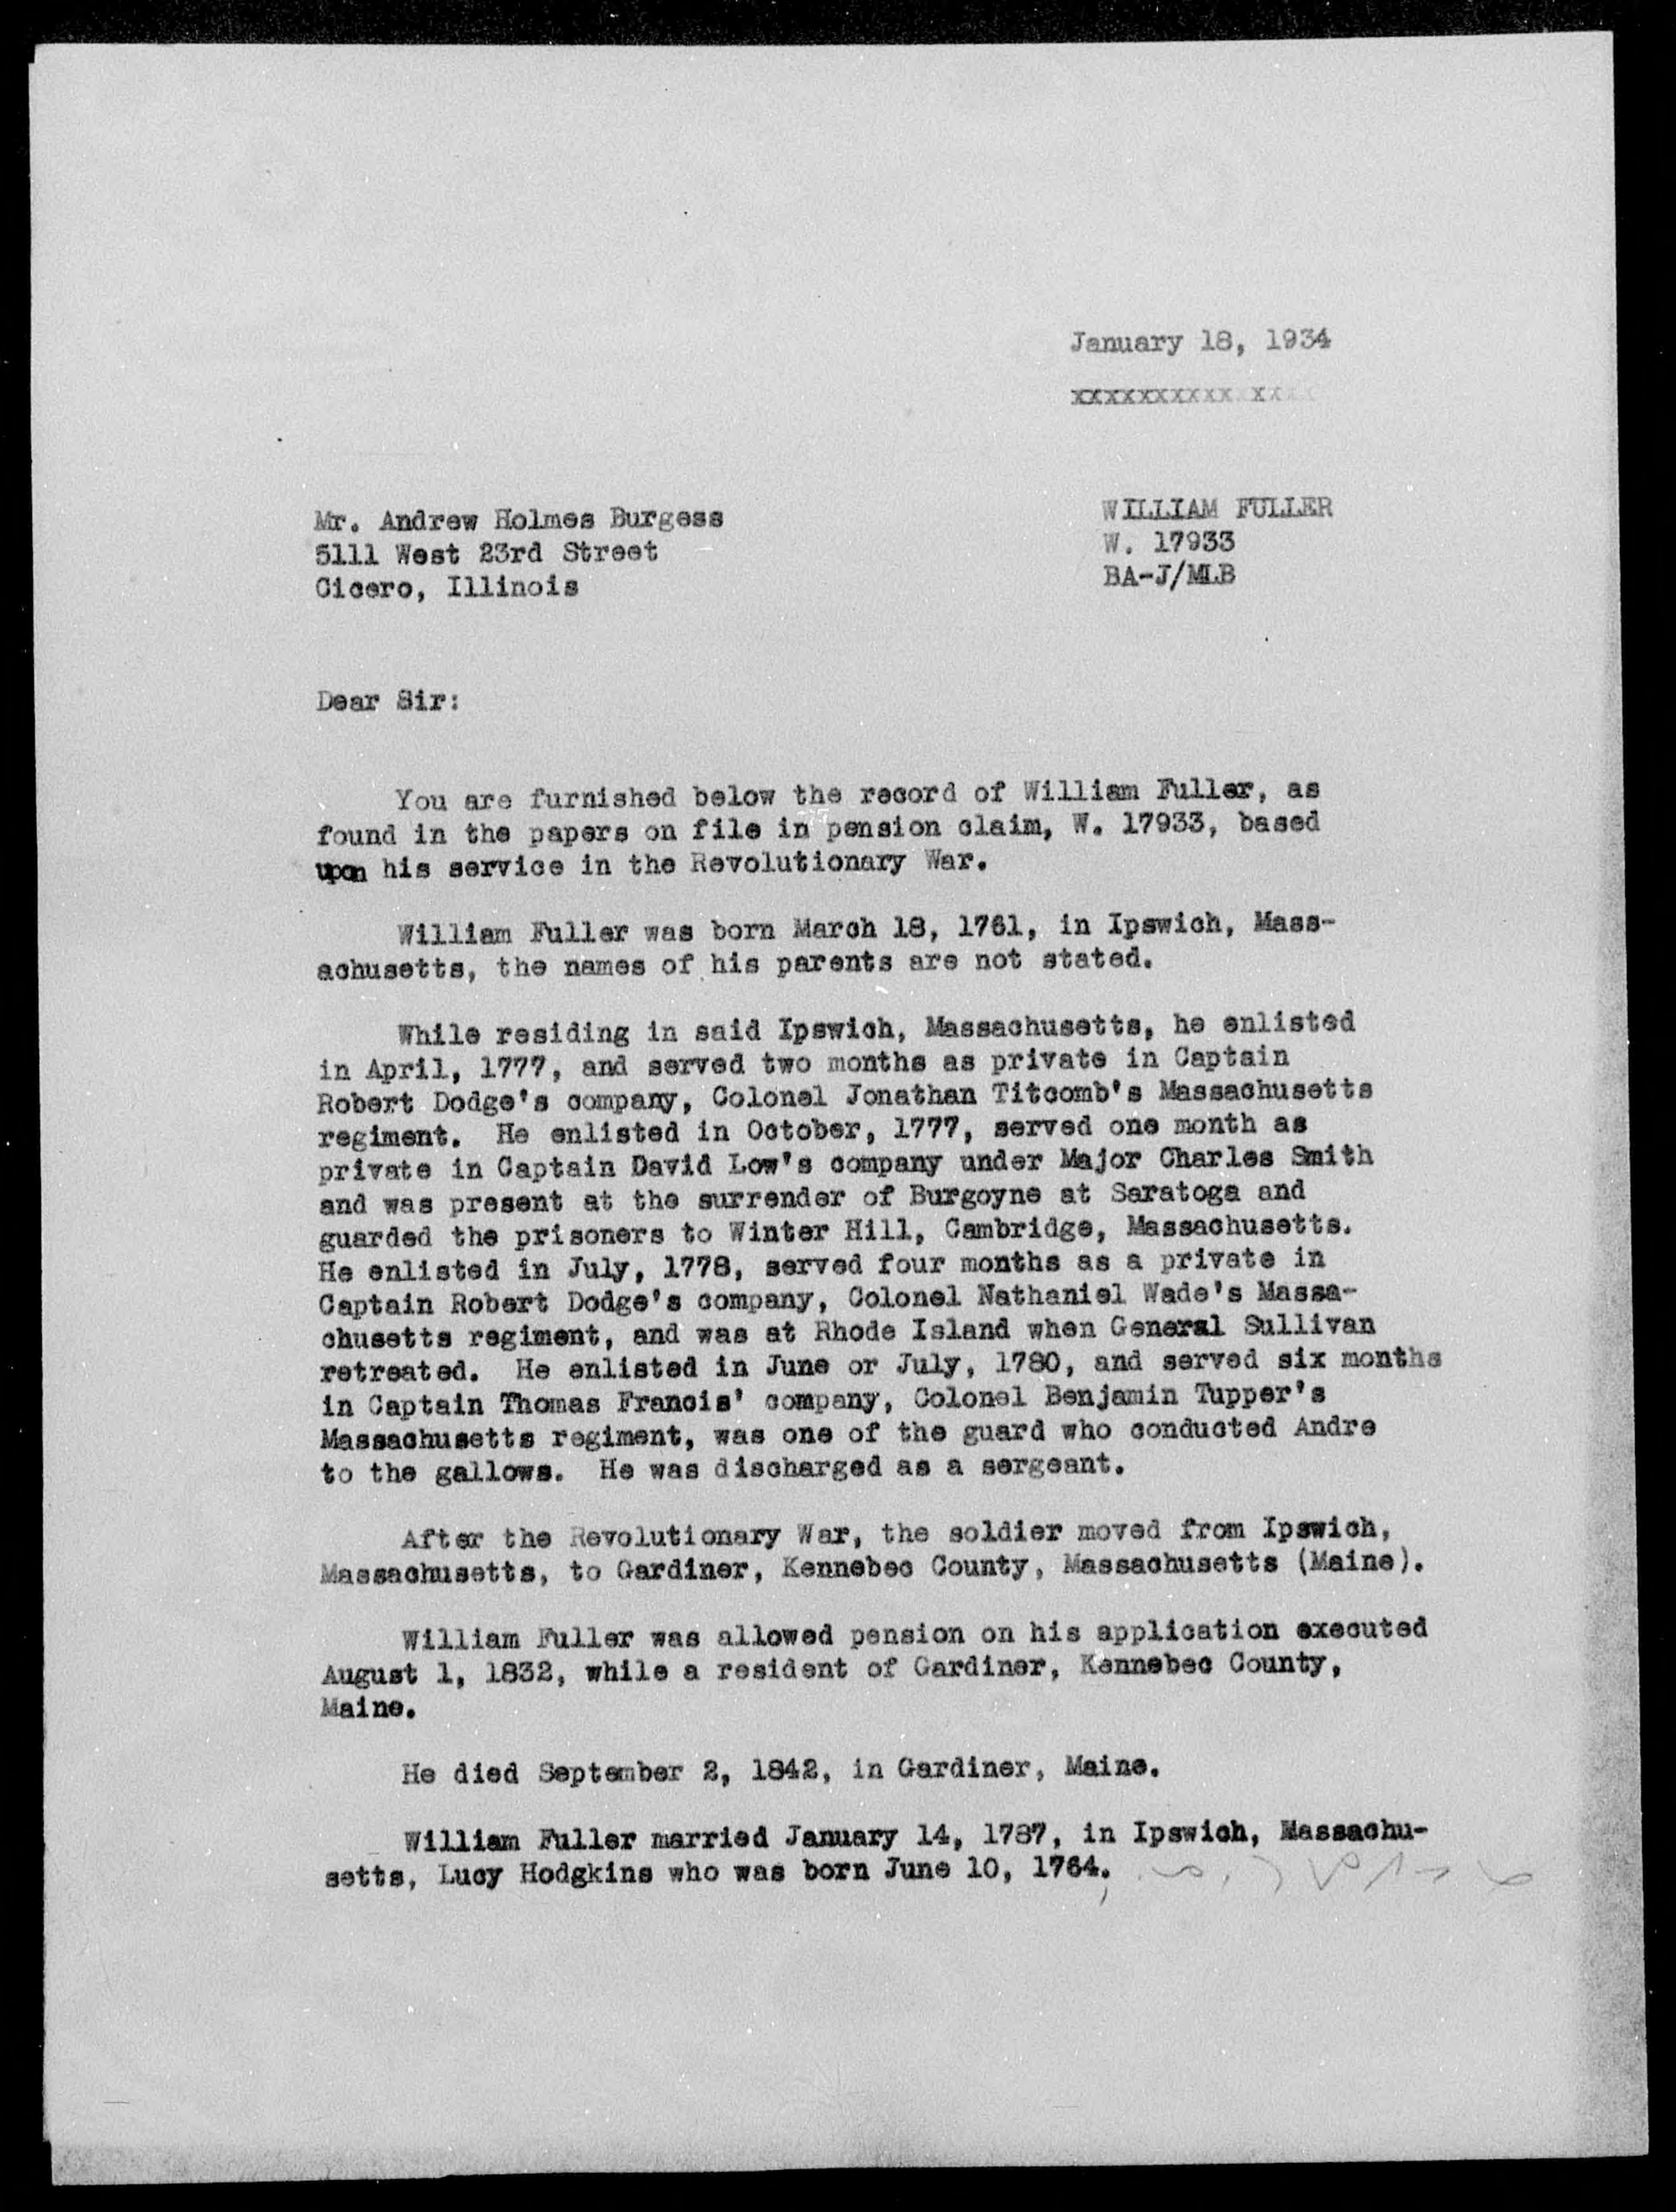January 18, 1934
xxxxxxxxxxxx

WILLIAM FULLER
W. 17933
BA-J/MLB

Mr. Andrew Holmes Burgess
5111 West 23rd Street
Cicero, Illinois

Dear Sir:
You are furnished below the record of William Fuller, as found in the papers on file in pension claim, W. 17933, based upon his service in the Revolutionary War.
William Fuller was born March 18, 1761, in Ipswich, Massachusetts, the names of his parents are not stated.
While residing in said Ipswich, Massachusetts, he enlisted in April, 1777, and served two months as private in Captain Robert Dodge’s company, Colonel Jonathan Titcomb’s Massachusetts regiment. He enlisted in October, 1777, served one month as private in Captain David Low's company under Major Charles Smith and was present at the surrender of Burgoyne at Saratoga and guarded the prisoners to Winter Hill, Cambridge, Massachusetts. He enlisted in July, 1778, served four months as a private in Captain Robert Dodge’s company, Colonel Nathaniel Wade’s Massachusetts regiment, and was at Rhode Island when General Sullivan retreated. He enlisted in June or July, 1780, served six months in Captain Thomas Francis' company, Colonel Benjamin Tupper's Massachusetts regiment, was one of the guard who conducted Andre to the gallows. He was discharged as a sergeant.
After the Revolutionary War, the soldier moved from Ipswich, Massachusetts, to Gardiner, Kennebec County, Massachusetts (Maine).
William Fuller was allowed pension on his application executed August 1, 1832, while a resident of Gardiner, Kennebec County, Maine.
He died there September 2, 1842, in Gardiner, Maine.
William Fuller married January 14, 1787, in Ipswich, Massachusetts, Lucy Hodgkins, who was born June 10, 1764.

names: Sullivan, William Fuller, Andrew Holmes Burgess, William Fuller, William Fuller, William Fuller, Charles Smith, Lucy Hodgkins, William Fuller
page: 37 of 45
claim: widow's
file: W. 17933, William Fuller, Mass